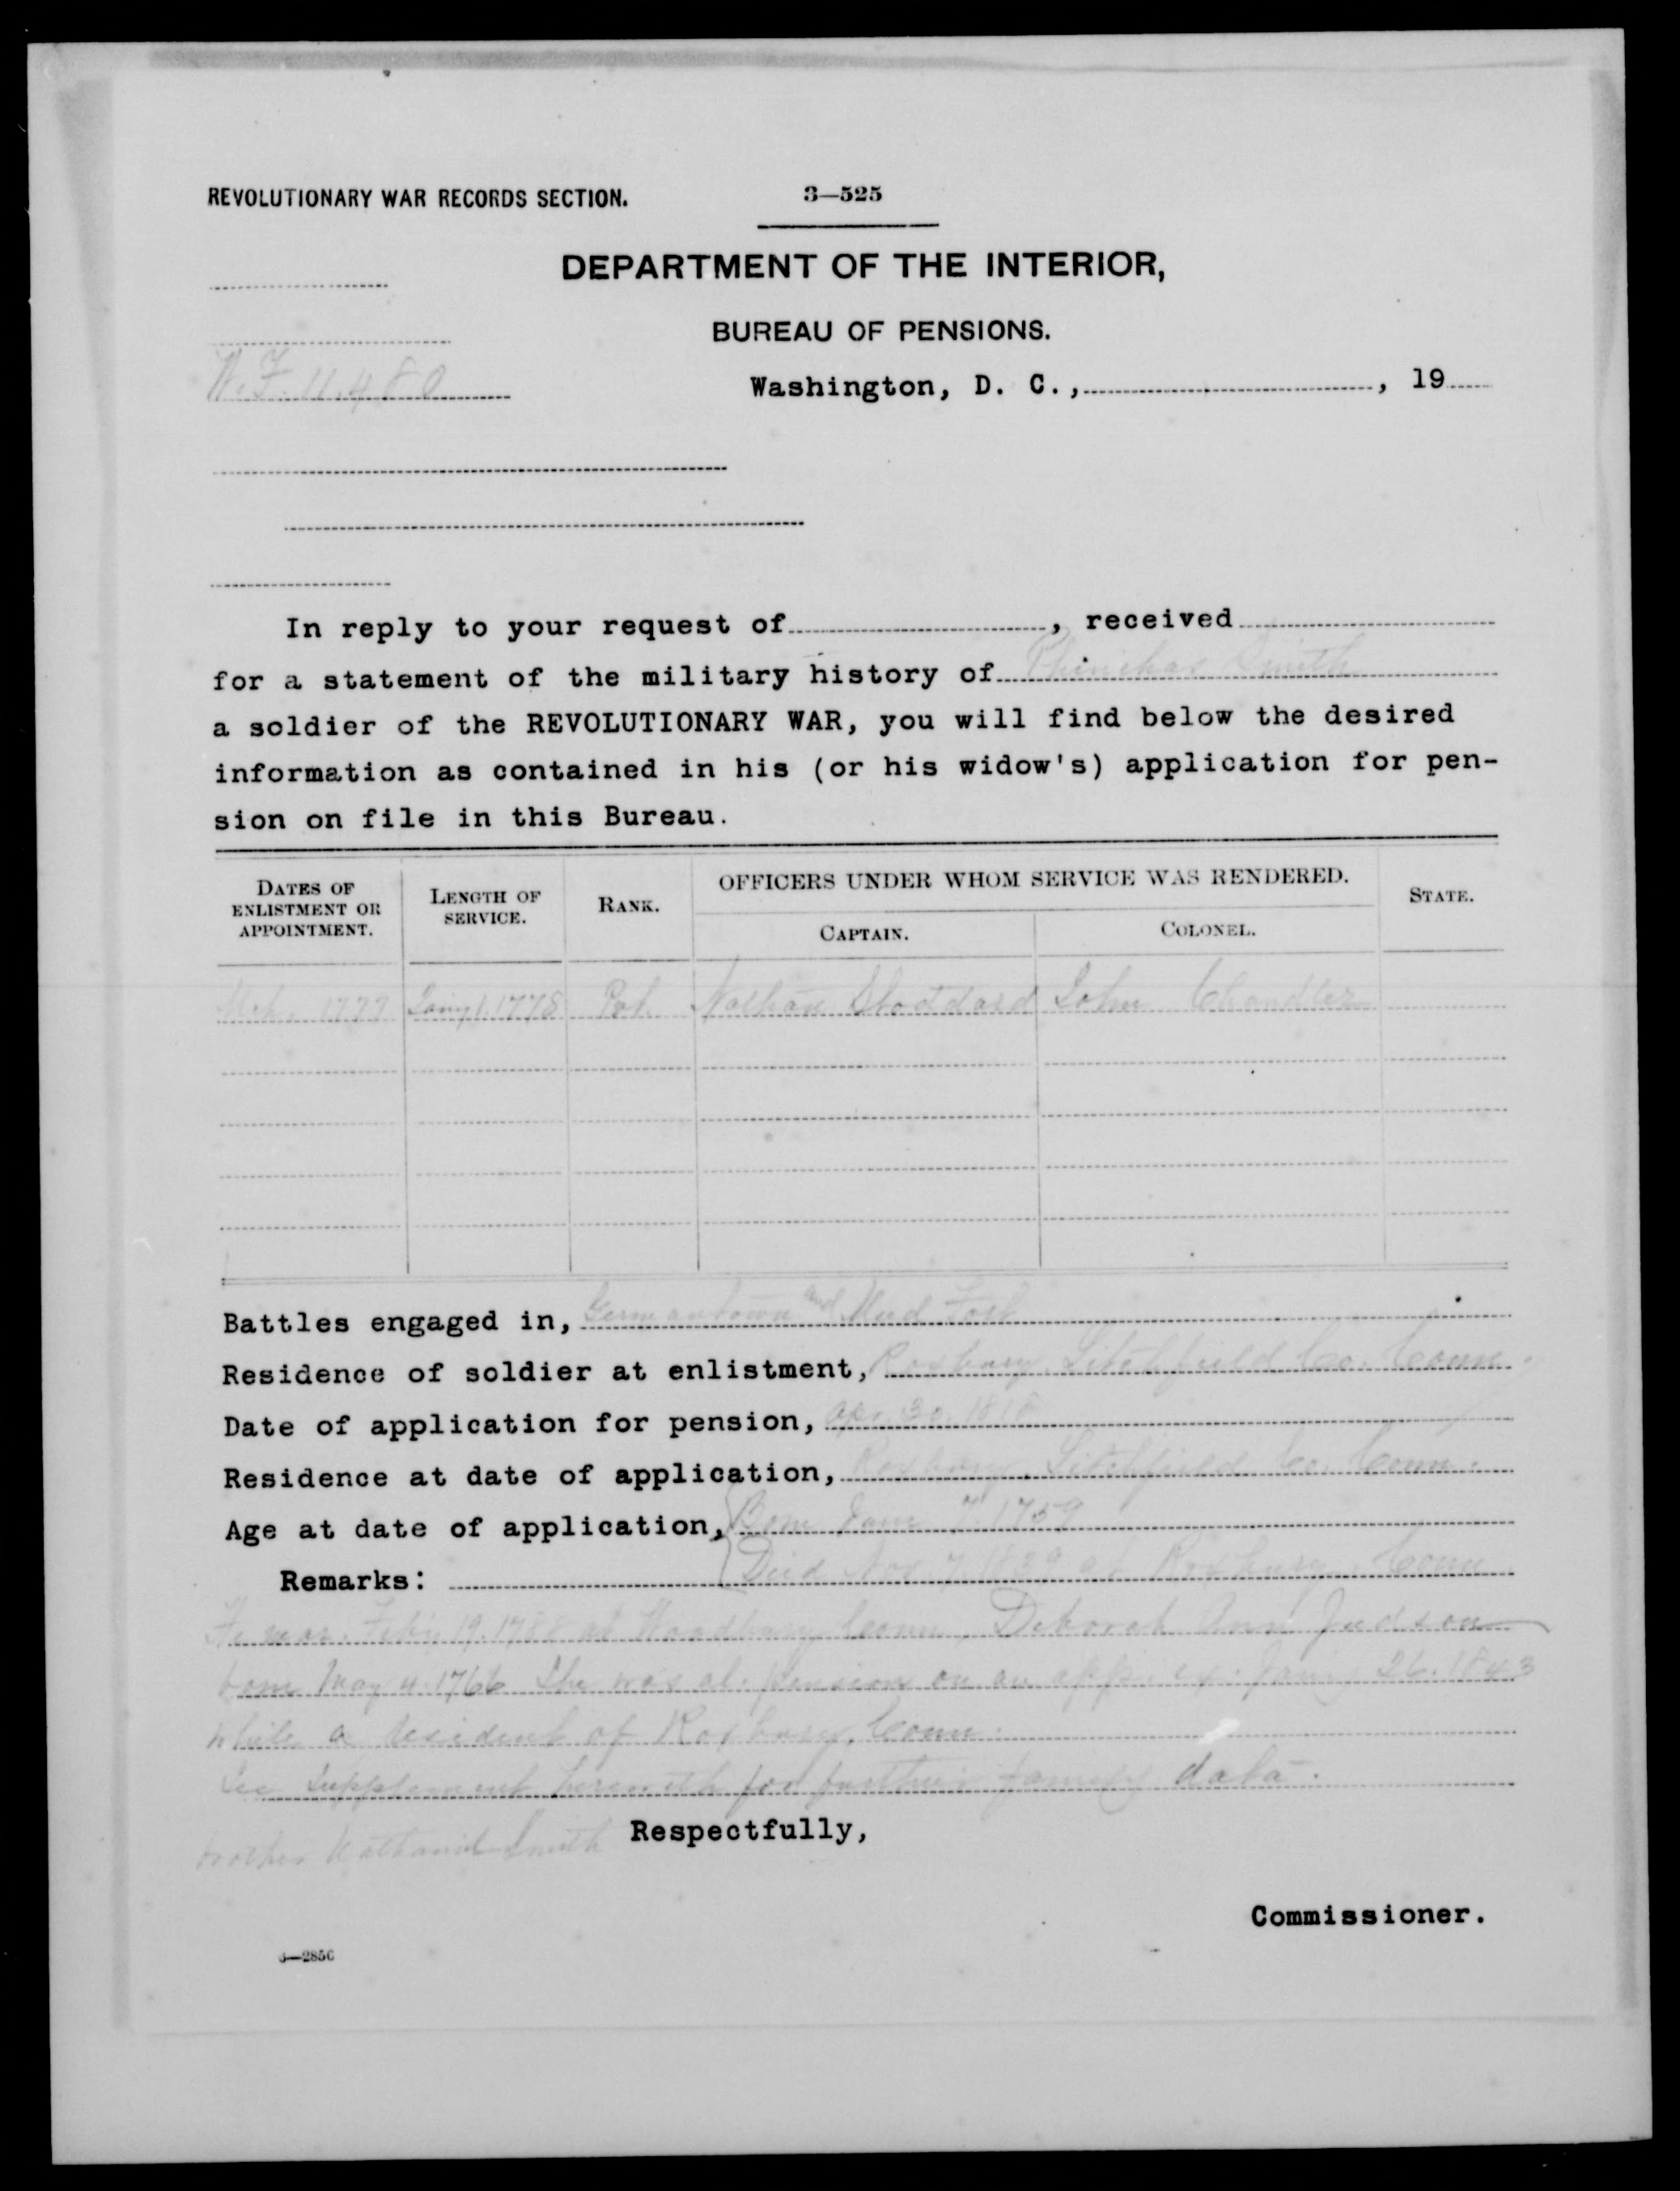REVOLUTIONARY WAR RECORDS SECTION 3-525
DEPARTMENT OF THE INTERIOR
BUREAU OF PENSIONS
Washington D. C. , 19 –
W. F. 11,480
In reply to your request of – received – for a statement of the military history of Phineas Smith    
a soldier of the REVOLUTIONARY WAR, you will find below the desired information as contained in his (or his widow’s) application for pension on file in this bureau.  
DATES OF ENLISTMENT OR APPOINTMENT   Mch 1777  LENGTH OF SERVICE   Jany 1 1778  RANK.  Pvt    OFFICERS UNDER WHOM SERVICE WAS RENDERED.  Captain Nathan Stoddard  Colonel John Chandler   STATE. 
Battles engaged in,  Germantown and Mud Fort
Residence of soldier at enlistment,  Roxbury, Litchfield Co., Conn.
Date of application for pension,   Apr. 30 1818
Residence at date of application,   Roxbury, Litchfield Co. Conn.
Age at date of application,   Born June 7 1759
Remarks:   Died Nov 7 1839 at Roxbury Conn., he mar [married] Feby 19 1788 at Woodbury Conn., Deborah Ann Judson Born May 4 1766.  She was al. [allowed] pension on and appl. ex. [application executed] Jany 26, 1843, while a resident of Roxbury Conn.  See supplement herewith for further family data – Brother Nathaniel Smith
Very respectfully
Commissioner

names: Phinehas Smith; Nathan Stoddard; Nathaniel Smith; Deborah Ann Judson; John Chandler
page: 20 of 55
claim: widow's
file: W. 11480, for Phinehas Smith, Connecticut